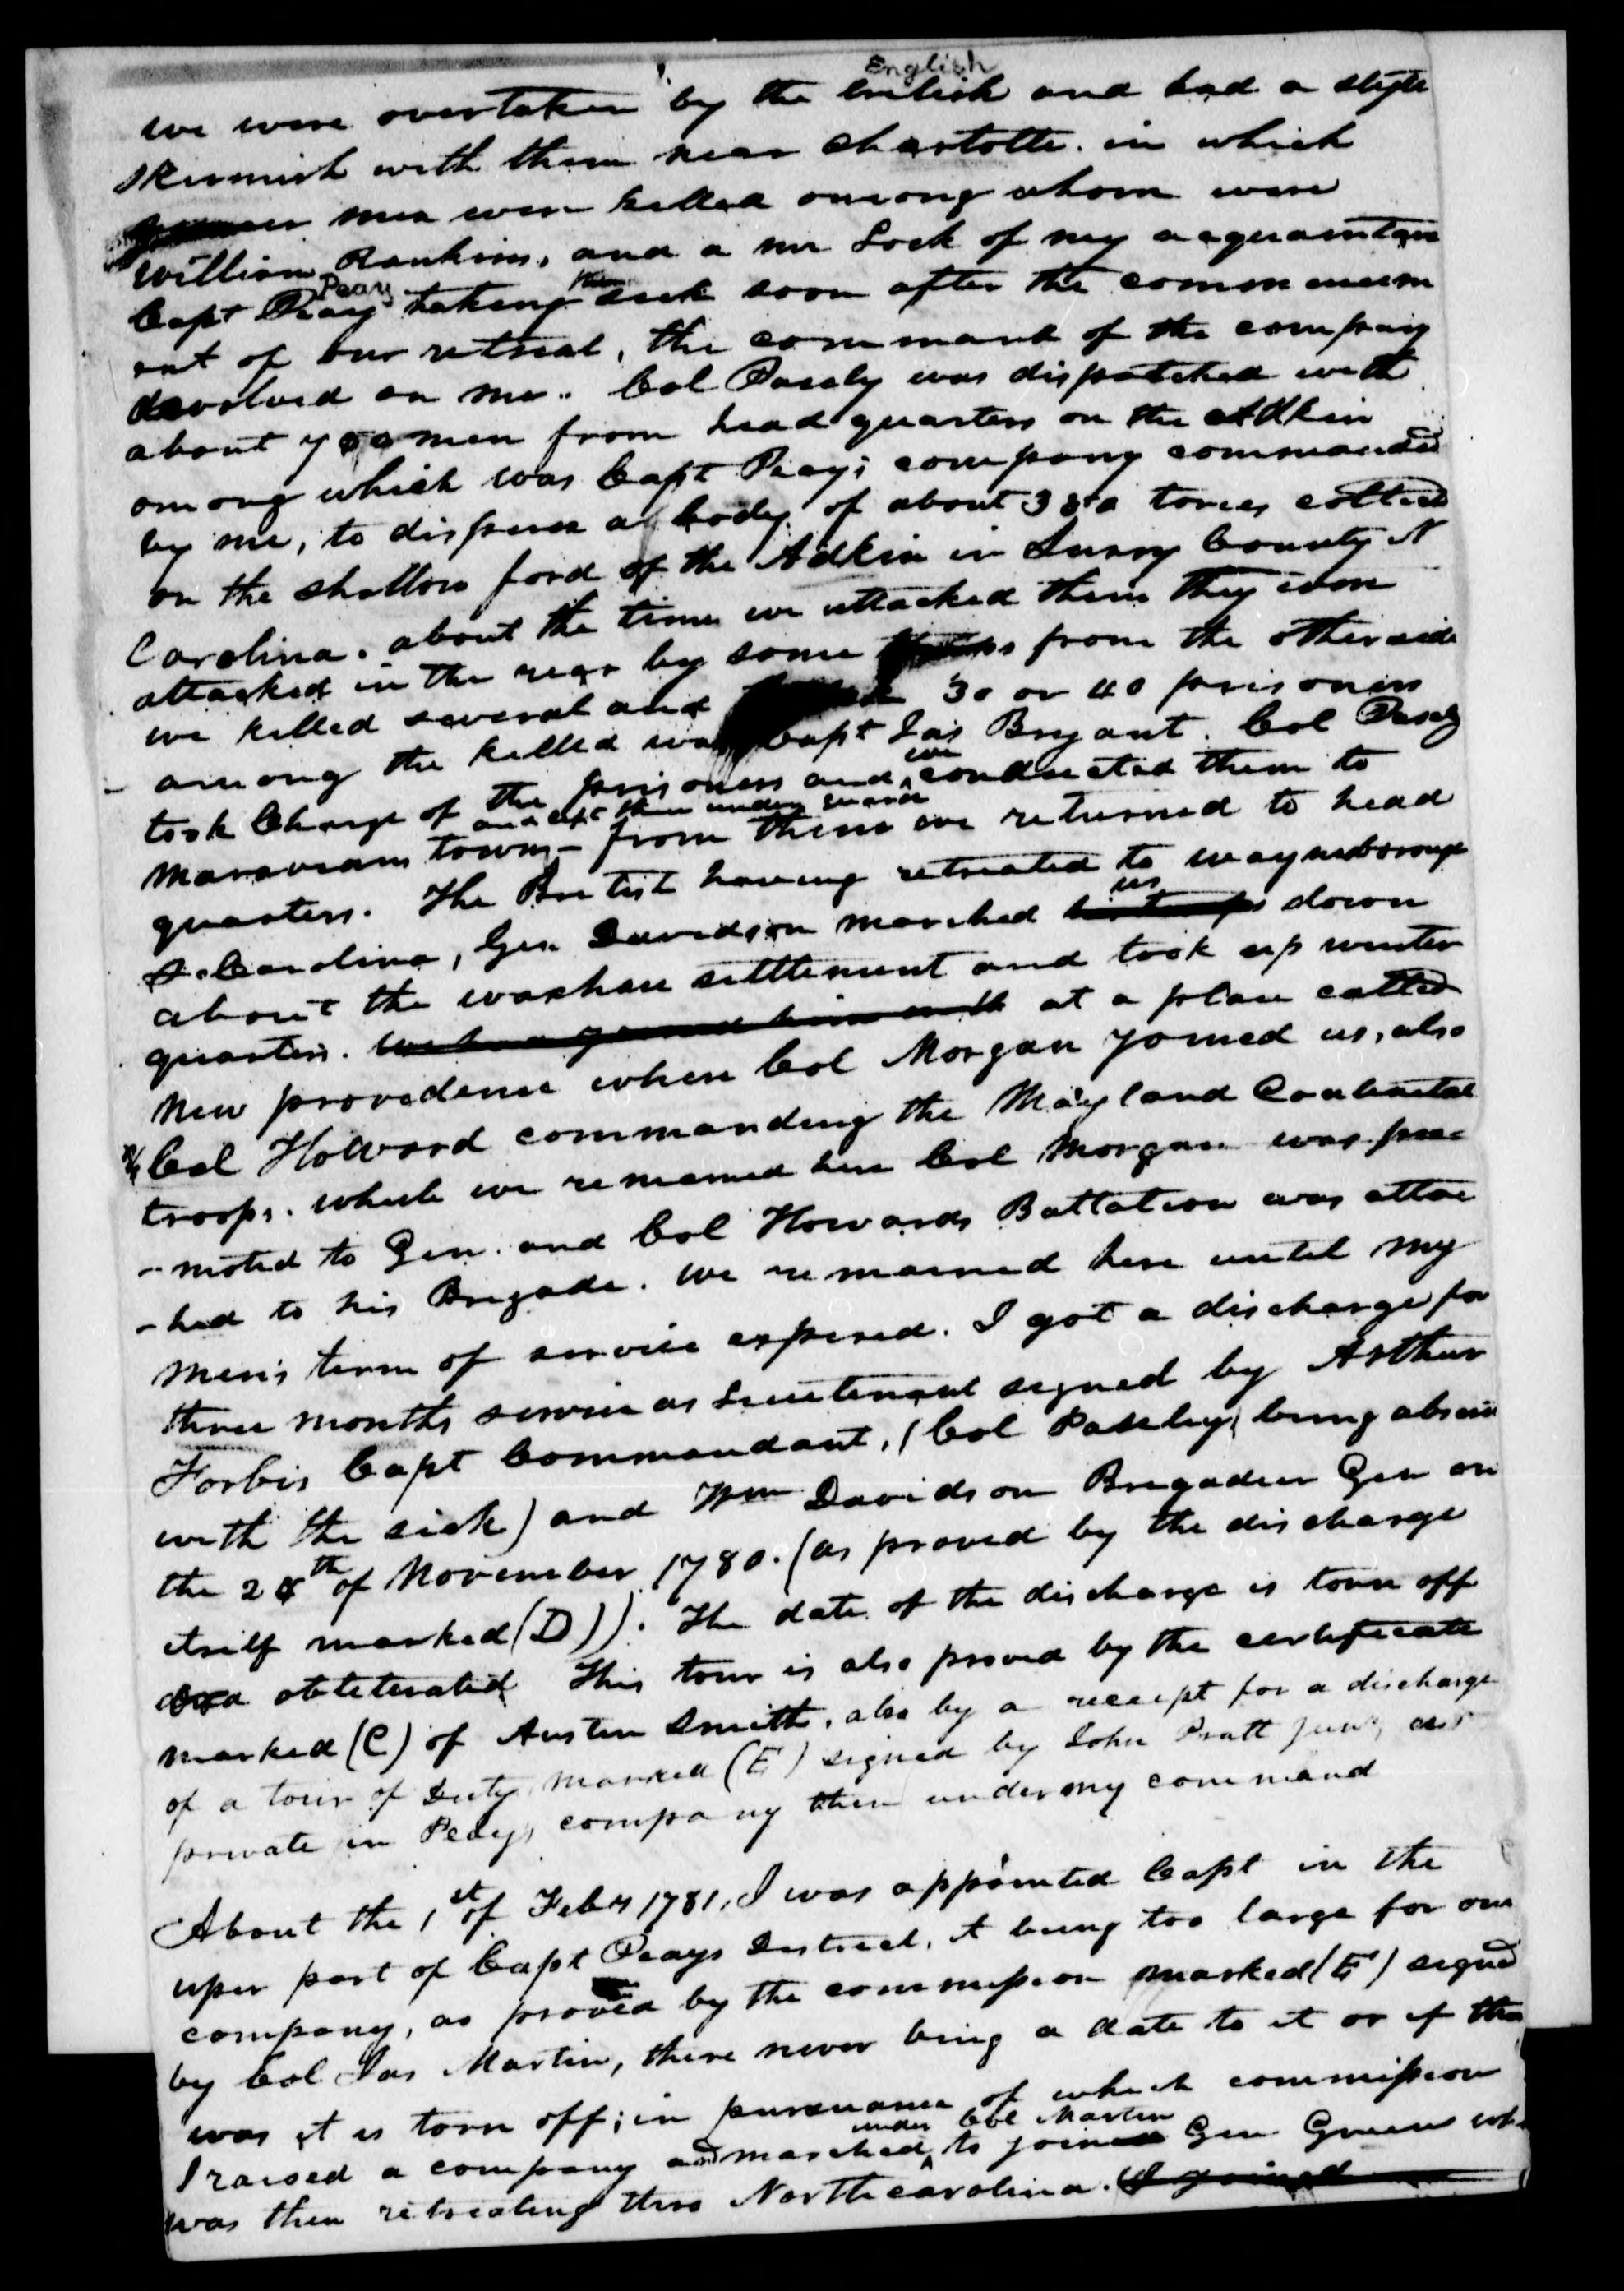we were overtaken by the English and had a slight skirmish with them near Charlotte in which several men were killed among whom was William Rankins, and a Mr. Lock of my acquaintance. Capt. Peay taking sick soon after the commencement of our return, the command of the company devolved on me. Col. Pasley was dispatched with about 700 men from headquarters on the Adkin, among which was Capt. Peay’s company commanded by me, to disperse a body of about 380 Tories collected on the shallow ford of the Adkin in Surry County, N Carolina. About the time we attacked them they were attacked in the rear by some troops from the other side. We killed several and took 30 or 40 prisoners, among the killed was Capt. Jas Bryant. Col. Paisley took charge of the prisoners and we conducted them to Moravian Town and left them under guard. From there we returned to head quarters. The British having retreated to Waynesborough, S Carolina, Gen. Davidson marched us down about the waxhaw settlement and took up winter quarters at a place called New Providence where Col. Morgan joined us, also Col. Howard  commanding the Maryland Continental troops, while we remained here Col. Morgan was promoted to Gen. and Col. Howard’s Battalion was attached to his Brigade. We remained here until my men’s tour of service expired. I got a discharge for three months service as Lieutenant signed by Arthur Forbis, Capt. Commandant, (Col. Pasley being absent with the sick) and Wm. Davidson, Brigadier Gen on the 28th November 1780; (as proved by the discharge itself marked (D)). The date of the discharge is torn off and obliterated. This tour is also proved by the certificate marked (C) of Austin Smith, also by a receipt for a discharge of a tour of duty, marked (E) signed by John Pratt Junior, as a private in Peay’s company then under my command. About the 1st of February 1781, I was appointed Capt. in the upper part of Capt. Peay’s District it being too large for one company, as proved by the commission marked (E) signed by Col. Jas. Martin, there never being a date to it or if there was it is torn off; in pursuance of which commission I raised a company and marched under Col. Martin to join Gen. Green who was then retreating through North Carolina.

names: Pasely, Davidson, Peay, Arthur Forbis, Howard, Wm Davidson, Peays, Jas Martin, Morgan, Austin Smith, William Rankins, Martin, John Pratt, Peay, Peay, Paseley, Green, Morgan, Jas Bryant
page: 9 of 105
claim: survivor's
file: S. 1883, Richard Vernon, N.C.